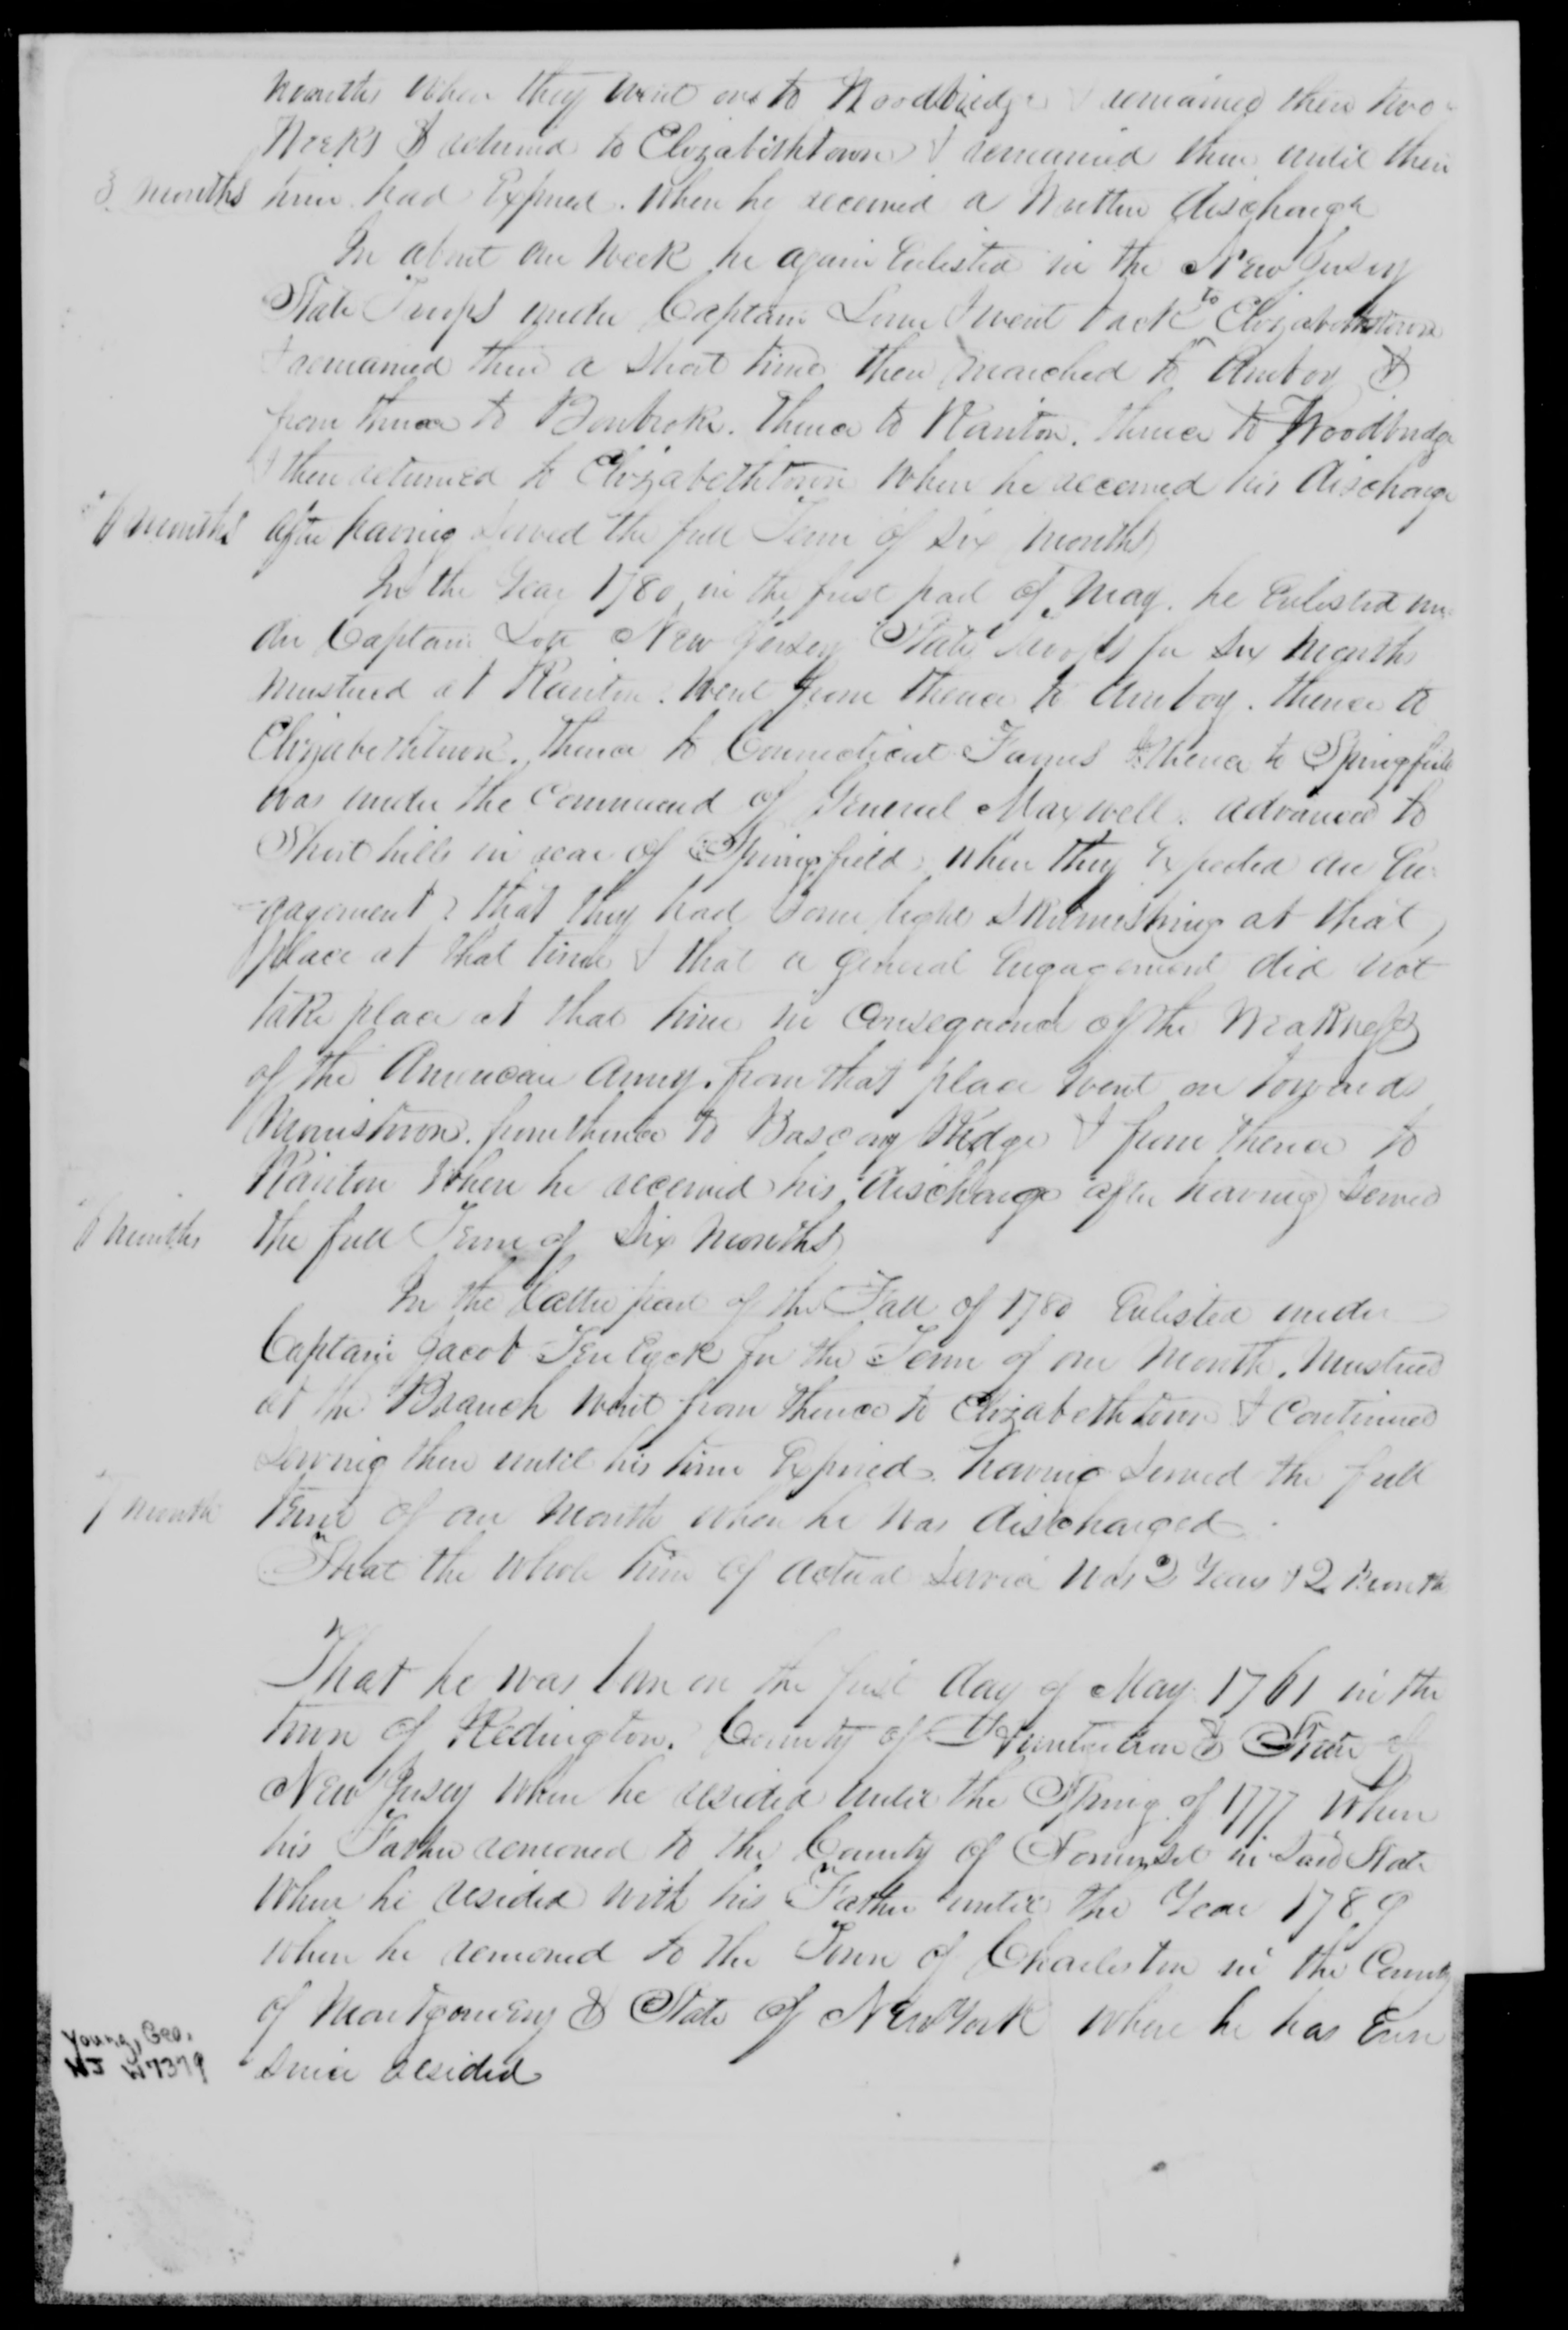months when they went on to Woodbridge remained the two
Weeks I returned to Elizabethtown I remained there until then
him had expired. When he received a written discharge
In about one week he again enlisted in the New Jersey
State Troops the Captain Linn I went back to Elizrabethtown
remained there a that time then marched to Amboy &
from thence to Elizabath. Thence to Nanton, thence to Woodbudge
of
then returned to Elizabethtown when he decemed his discharge
after having served the full sum of six months
In the year 1780, in the first part of May he enlisted in
the Captain Lott New Jersey State of for six month
mustered at Hunton. Went from thence to Amboy thence to
Elizabethtown, thence to Connecticut Farms thence to Springfield was
under the command of General Maxwell advanced to
Short hill in rear of Springfield, when they rejected due he
gagement, that they had some light skirmishing at that
place at that time & that a general engagement did not
take place at that time in consequence of the weakness
of the American Army, from that place went on towards
Monition from thence to Basking Ridge & from thence to
Winton when he receved his discharge after having served
the full Term of six months
In the latter part of the Fall of 1780 Enlisted under
Captain Jacob van Byczak  for the Term of one month, Unstreed
at the Branch went from thence to Elizabeth Lour & continued
lowing them until his time expired having served the full
Rent of one month when he was discharged
That the whole him of actual service was 2 years 2 month
That he was born on the first day of May 1781 in the
town of Redington, County of Hunterdon and
New Jersey When he resided until the Spring of 1777 when
his Father removed to the County of Somerset in said State
where he resided with his Father until the year 1789
when he removed to the Town of Charleston in the County
of Montgomery & State of New York where he has ┃
in resided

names: Louis Sweat, Maxwell, Jacob Ten Eyck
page: 3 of 67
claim: widow's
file: W. 7379, George Young, New Jersey